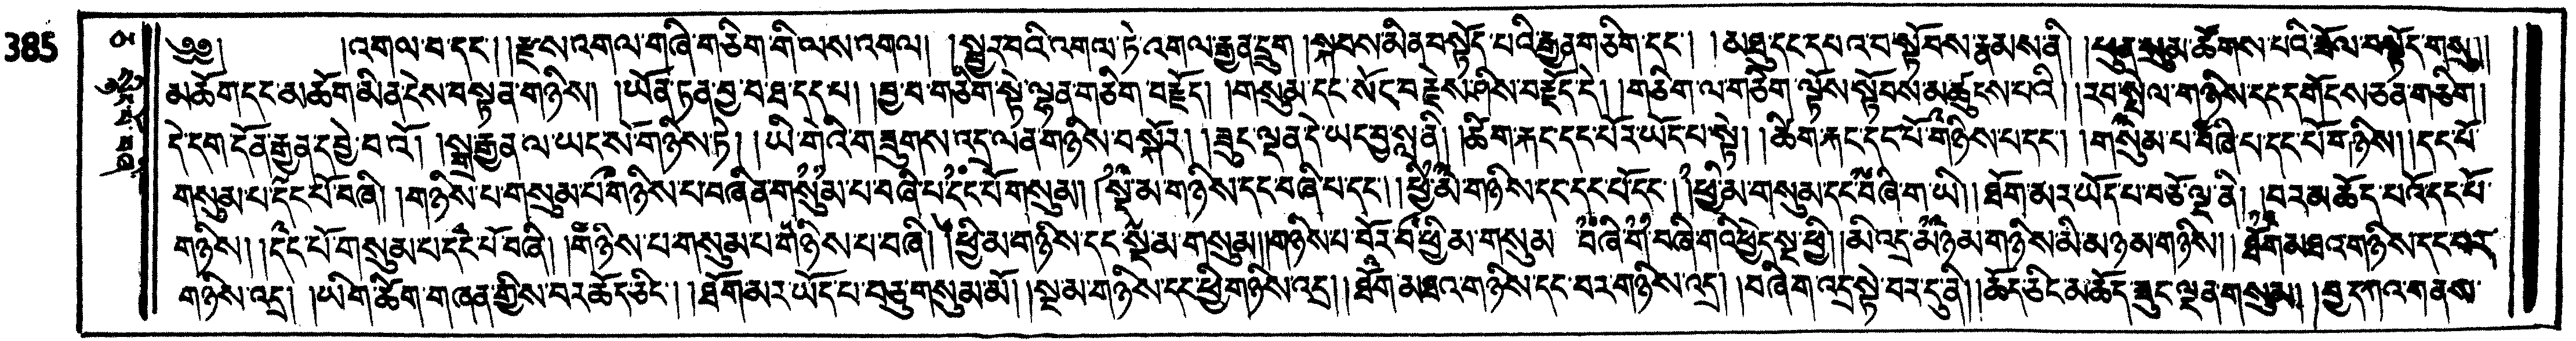༄༅།།འགལ་བ་དང་། །རྫས་འགལ་གཞི་གཅིག་གི་ལས་འགལ། །སྦྱར་བའི་འགལ་ཏེ་འགལ་རྒྱན་དྲུག །སྐབས་མིན་བསྟོད་པའི་རྒྱན་གཅིག་དང་། །མཐུ་དང་དཔའ་བ་སྟོབས་རྣམས་ནི། །ཕུན་སུམ་ཚོགས་པའི་ཟོལ་བསྟོད་གསུ།།
མཆོག་དང་མཆོག་མིན་ངེས་བསྟན་གཉིས། །ཡོན་ཏན་བྱ་བ་ཐ་དད་པ། །བྱ་བ་གཅིག་སྟེ་ལྷན་གཅིག་བརྗོད། །གསུམ་དང་སོང་བརྗེས་ཤིས་བརྗོད་དེ། །གཅིག་ལ་གཅིག་ལྟོས་སྟོབས་མཚུངས་པའི། །རབ་སྤེལ་གཉིས་དང་དགོངས་ཅན་གཅིག །
དེ་དག་དོན་རྒྱན་དབྱེ་བའོ། །སྒྲ་རྒྱན་ལ་ཡང་སོ་གཉིས་ཏེ། །ཡི་གེའི་གཟུགས་འདྲ་ལན་གཉིས་བསྐོར། །ཟུང་ལྡན་དེ་ཡང་བྱ་སླ་ནི། །ཚིག་རྐང་དང་པོར་ཡོད་པ་སྟེ། །ཚིག་རྐང་དང་པོ་གཉིས་པ་དང་། །གསུམ་པ་བཞི་པ་དང་པོ་གཉིས། །དང་པོ་
གསུམ་པ་དང་པོ་བཞི། །གཉིས་པ་གསུམ་པྀ་གཉིས་པ་བཞིན ༡༡་གསུམ་པ་བཞི་པ ༡༠་དང་པོ་གསུམ། །༡༣་སྔ་མ་གཉིས་དང་བཞི་པ་དང་། །༡༣་ཕྱི་མ་གཉིས་དང་དང་པོ་དང་། །༡་ཕྱི་མ་གཉིས་དང་དང་པོ་དང་། །༡་ཕྱི་མ་གསུམ་དང ༡༦་བཞི་ག་ཡི། །ཐོག་མར་ཡོད་པ་བཅོ་ལྔ་ནི། །བར་མཆོད་པའོ་དང་པོ་
གཉིས། །༢་དང་པོ་གསུམ་པ་དང ༢་པོ་བཞི། །༤་གཉིས་པ་གསུམ་པ ༥་གཉིས་པ་བཞི། །༦་ཕྱི་མ་གཉིས་དང ༧་སྔ་མ་གསུམ། །གཉིས་པ་བོར་བ ༩་ཕྱི་མ་གསུམ ༡༠་བཞི ༡༡་ག་བཞི་གའི་ཕྱེད་སྔ་ཕྱི། །མི་འདྲ ༡༢་མཉམ་གཉིས་མི་མཉམ་གཉིས། །༡༣་ཐོག་མཐའ་གཉིས་དང་བར་
གཉིས་འདྲ། །ཡིག་ཚིག་གཞན་གྱིས་བར་ཆོད་ཅིང་། །ཐོག་མར་ཡོད་པ་བཅུ་གསུམ་མོ། །སྔ་མ་གཉིས་དང་ཕྱི་གཉིས་འདྲ། །ཐོག་མཐའ་གཉིས་དང་བར་གཉིས་འདྲ། །བཞིག་འདྲ་སྟེ་བར་དུ་ནི། །ཆོད་ཅིང་མཆོད་ཟུང་ལྡན་གསུམ། །བྱ་དཀའ་གནས་